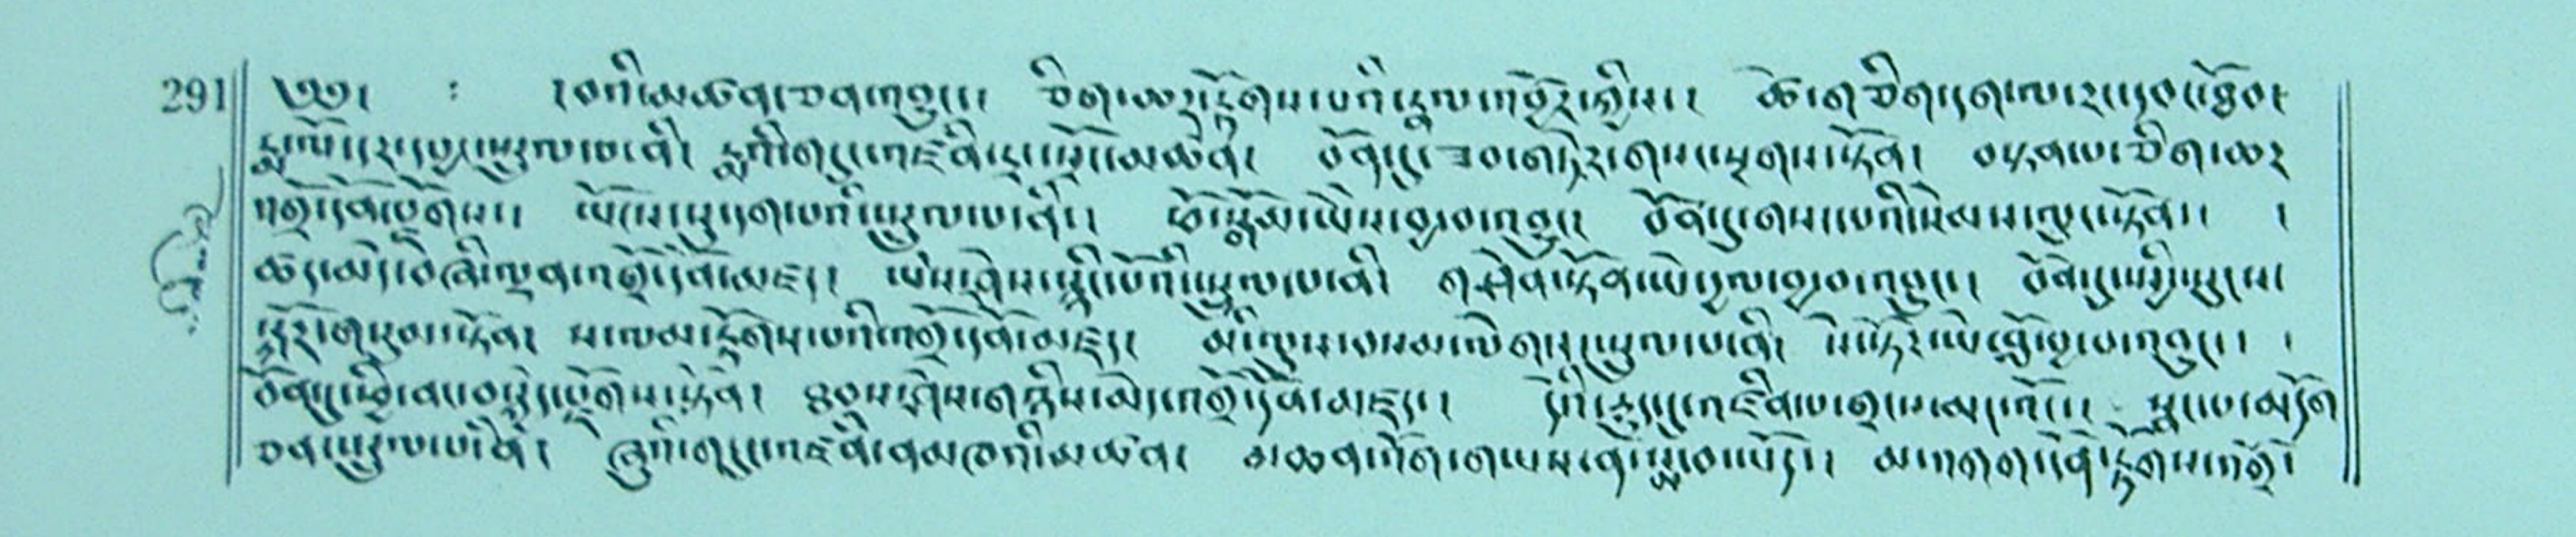༄༅། །བའི་མཚན་ཅན་འབྱུང་། ཅིག་ཆར་རྟོགས་པའི་རྣལ་འབྱོར་གྱིས། ཚེ་གཅིག་དག་ལ་རང་དབང་ཐོབ། 
རྨ་ལོ་དར་དཔྱངས་སྤྲུལ་པ་ནི། རྨེའི་གདུང་འཛིན་དྲང་སྲོང་མཚན། བོན་དུ་ཟབ་གཏེར་གསང་སྔགས་སྟོན། བསྟན་པ་ཅིག་ཆར་
འགྲོ་དོན་རྫོགས། ཡོངས་སུ་དག་པའི་སྤྲུལ་པ་ནི། ཕོ་སྒོམ་ཡེ་ཤེས་བྱ་བ་འབྱུང་། བོན་དུ་གསང་བའི་སེམས་ལུང་སྟོན། 
ཚད་མེད་གཞི་ལྡན་འགྲོ་དོན་མཛད། ཡེ་ཤེས་སྙིང་པོའི་སྤྲུལ་པ་ནི། གཤེན་སྟོན་ཡེ་རྒྱལ་བྱ་བ་འབྱུང་། བོན་དུ་སྤྱི་སྤུངས་
སྐོར་གསུམ་སྟོན། ས་ལམ་རྟོགས་པའི་འགྲོ་དོན་མཛད། མི་ལུས་བསམ་ལེགས་སྤྲུལ་པ་ནི། སེ་སྟོར་ཡེ་བློ་བྱ་བ་འབྱུང་། 
བོན་གྱི་ཕྱི་ནང་བསྐྱེད་རྫོགས་སྟོན། ཐབས་ཤེས་གཉིས་མེད་འགྲོ་དོན་མཛད། དེའི་རྒྱུད་དུ་འཛིན་པ་གྲངས་མང་འོང་། སྣང་བ་མདོག་
ཅན་སྤྲུལ་པ་ནི། ཞུའི་གདུང་འཛིན་ནམ་མཁའི་མཚན། མཆན་ཁུང་གཡས་ན་སྨེ་བ་ཡོད། མ་འགགས་དོན་རྟོགས་འགྲོ་དོན་